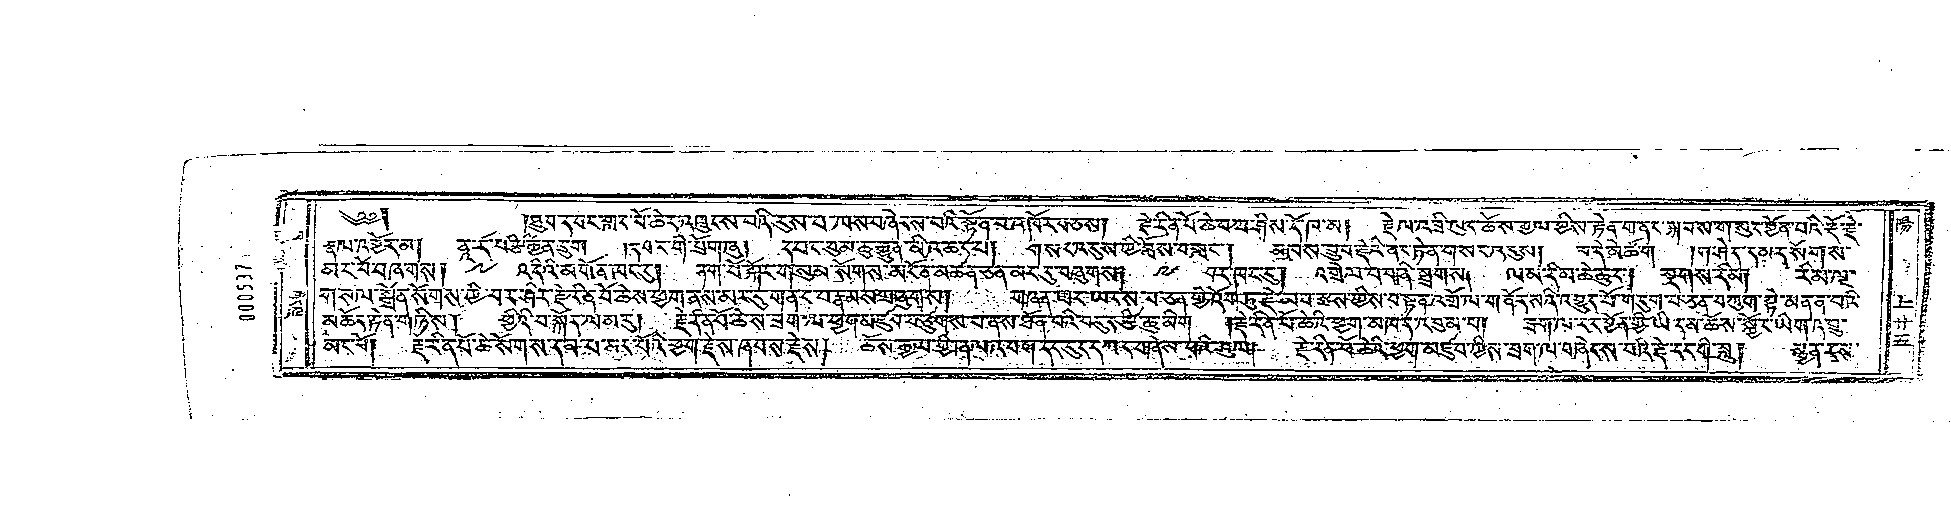༄༅། །ཐུབ་དབང་གླང་པོ་ཆེར་འཁྲུངས་པའི་དུས་པ་ལས་བཞེངས་བའི་སྟོན་པ་འཁོར་བཅས། རྗེ་རིན་པོ་ཆེ་བཀྲ་ཤིས་དོ་ཁ་མ། རྗེ་ལ་འབྲི་ལུང་ཆོས་རྒྱལ་གྱིས་རྟེན་གནང་སྐབས་གསུང་བྱོན་པའི་རྡོ་རྗེ་
རྣལ་འབྱོར་མ། ནཱ་རོ་པ་རྩི་རྒྱན་དྲུག །དབང་གི་པྲོག་ཞུ། དབང་བུམ་ཆུ་རྒྱུན་མི་འཆང་པ། གསང་འདུས་ཀྱི་བློས་བསླང་། མཁས་གྲུབ་རྗེའི་ནང་ཏེན་གསང་འདུས། བདེ་མེ་ཆོག །གཤེད་དམར་སོགས་
མར་པོ་བཞུ་གས། ༧་འདིའི་མགོན་ཁང་དུ། ནག་པོ་སྐོར་གསུམ་སོགས་མངོན་མཚན་ཅན་མང་དུ་བཞུགས། ༧་བར་ཁང་དུ། འགྲེལ་པ་བཞི་སྤྲགས། ལམ་རིམ་ཆེ་ཆུང་། སྡགས་རིམ། རིམ་ལྔ་
གསལ་སྒྲོན་སོགས་ཀྱི་བར་ཤིར་རྗེའི་ན་བོ་ཆེས་ཕྱག་ནས་མར་དུ་གནང་བ་རྣམས་བཞུགས། གཞན་ཡང་ཡངས་པ་ཅན་གྱི་འོག་ཏུ་རྗེ་ཡབ་སྲས་ཀྱིས་བསྟན་འགྲོ་ལ་གནོར་སའི་འབྱུང་པོ་གདུག་པ་ཅན་བཀུག་སྟེ་མནན་པའི་
མཆོད་རྟེན་གཉིས། ཕྱིའི་བ་སྐོར་ལམ་དུ། རྗེ་རིན་པོ་ཆེ་ས་བྲག་ལ་ཕྱག་མཛུབ་བཙུགས་པ་ནས་ཐོན་པའི་བདུད་རྩི་ཆུ་མིག །རྗེ་རིན་པོ་ཆེའི་ཕྱག་མཁར་འབུམ་པ། བྲག་ལ་རང་བྱོན་གྱི་ཡི་དམ་ཆོས་སྐྱོང་ཡིག་འབྲུ་
མང་པོ། རྗེ་རིན་པོ་ཆེ་སོགས་དམ་བ་མང་པོའི་ཕྱག་རྗེས་ཞབས་རྗེས། ཆོས་རྒྱལ་གྱི་ཞལ་འབག་དང་དུང་དཀར་བཞེས་པའི་ཤུལ། རྗེ་རིན་པོ་ཆེའི་ཕྱག་མཛུབ་ཀྱིས་བྲག་ལ་བཞེངས་བའི་རྗེ་རང་གི་སྐུ། སྦྱན་རས་